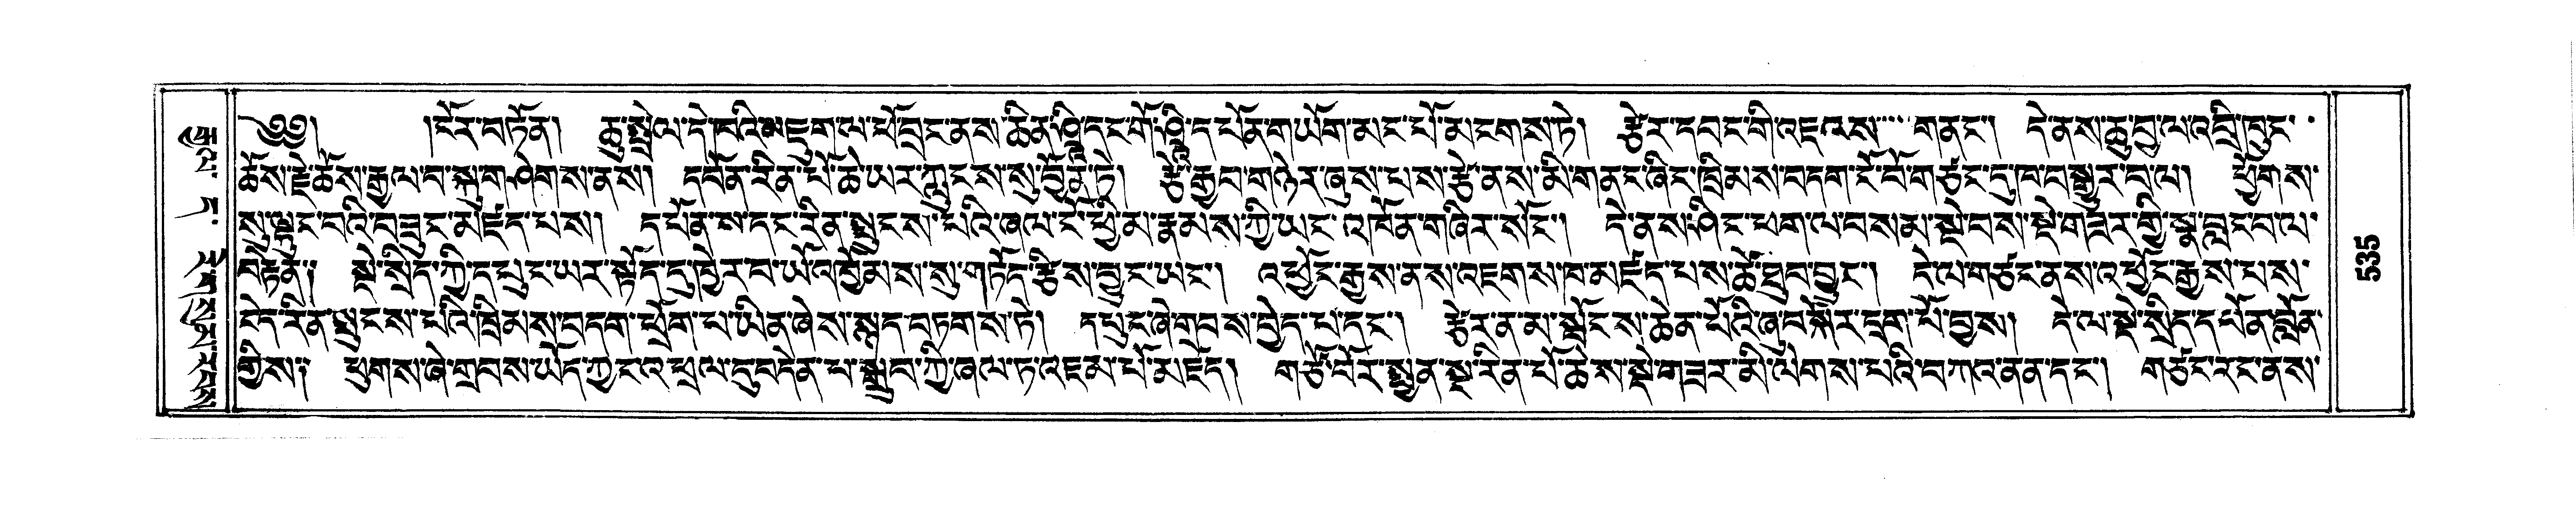༄༅། །ངོར་བཏོན། ཆུ་སྤྲེལ་དེ་ཁའི་མཇུག་ལ་ཕོ་བྲང་ནས་ཆིན་ཤྲཱི་དང་གོ་ཤྲཱི་དཔོན་གཡོག་མང་པོ་མངགས་ཏེ། རྩེར་དབང་གི་འཇའ་ས་གནང་། དེ་ནས་ཆུ་བྱ་ལ་འབྲི་ཁུང་
ཆོས་རྗེ་ཆོས་རྒྱལ་བ་སྐུ་གཤེགས་ནས། དབོན་རིན་པོ་ཆེ་ཡར་ཀླུངས་སུ་བྱོན་ཏེ། རྩེ་རྒྱབ་གཉེར་ཞུས་པས་རྩེ་ནས་མི་གནང་ཞིང་ཁྲིམས་བདག་ངོ་བོ་གཙང་དུ་ཁ་བསྒྱུར་བ་ལ། ཕྱོགས་
སུ་ལྷུང་བའི་བཟུང་མཛད་པས། དཔོན་ས་དང་རིན་སྤུངས་པའི་ཞལ་ངོ་ཕྱི་མ་རྣམས་ཀྱི་ཡང་འཁོན་གཞིར་སོང་། དེ་ནས་ཤིང་ཕག་ལ་བསམ་སྡེ་བས་སྡེ་གཟར་གྱི་སྣ་བླང་བ་ལ་
བརྟེན༑ སྡེ་སྲིད་ཀྱི་དཔུང་ཡར་སྟོད་དུ་ཁྱེར་བ་ཡོ་འཁྱོམས་སུ་གཏོད་རྩིས་བྱུང་ཡང་། འཕྱོང་རྒྱས་ནས་འཇགས་ཁ་མཛད་པས་ཚེ་ཐུབ་བྱུང་། དེ་ལ་གཙང་ནས་འཕྱོང་རྒྱས་པས་
ངེད་རིན་སྤུངས་པའི་ཁྲིམས་བདག་ཕྲོག་པ་ཡིན་ཞེས་སྙད་བཏགས་ཏེ། དཔུང་ཞེ་གྲབས་བྱེད་པ་དང་། རྩེར་ན་མ་སྦོངས་ཆེན་པོའི་ཞུ་བསྐོར་དྲག་པོ་བྱས། དེ་ལ་སྡེ་སྲིད་དཔོན་བློན་
གྱིས༑ ཕུགས་ཞེ་གྲབས་ཡོད་ཀྱང་འཕྲལ་དུ་བདེན་པ་སྒྲུབ་ཀྱི་ཞལ་ཏ་འཇམ་པོ་མཛད། གཙོ་བོར་སྤྱན་སྔ་རིན་པོ་ཆེས་སྡེ་གཟར་མི་ལེགས་པའི་བཀའ་ནན་དང་། གཙང་རང་ནས་